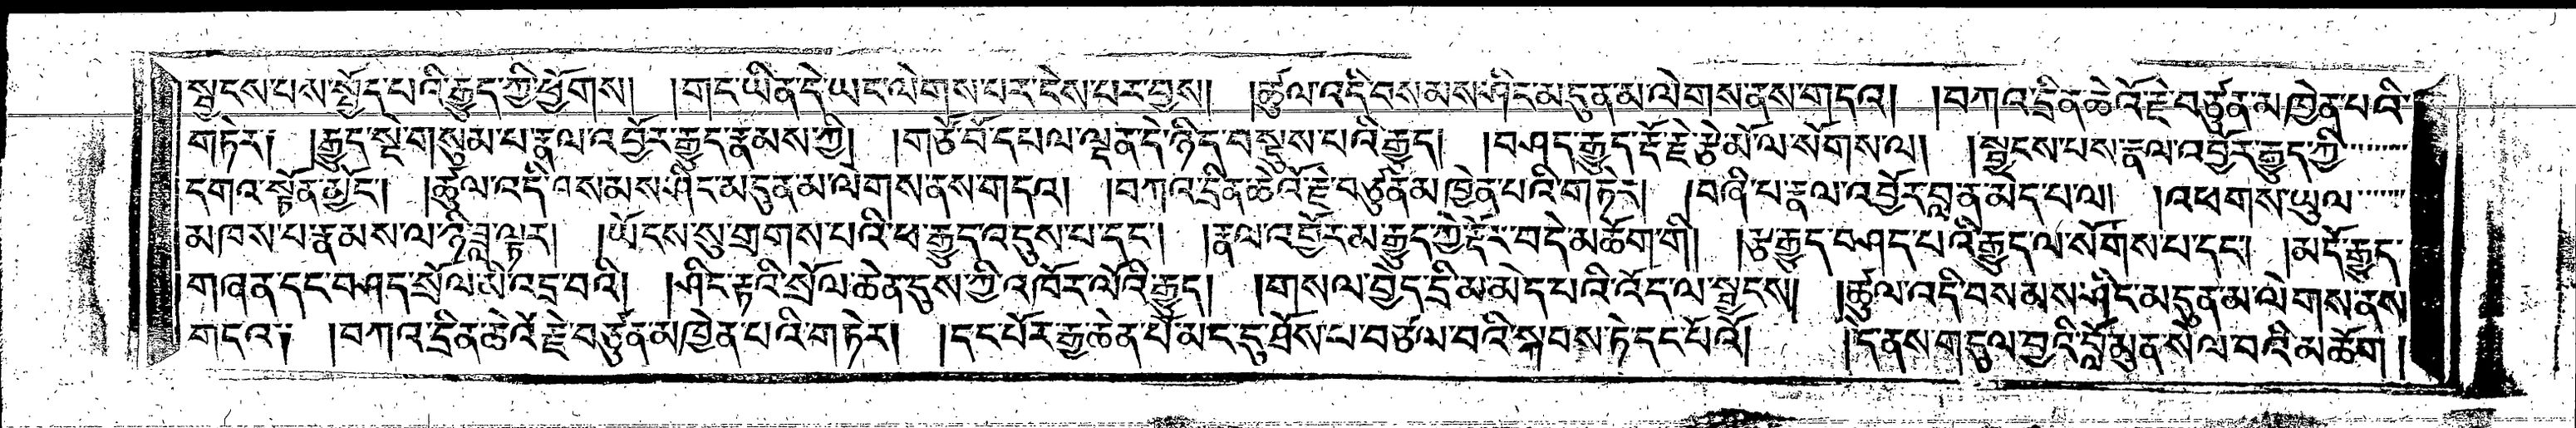སྦྱངས་པས་སྤྱོད་པའི་རྒྱུད་ཀྱི་ཕྱོགས། །གང་ཡིན་དེ་ཡང་ལེགས་པར་ངེས་པར་བྱས། །ཚུལ་འདི་བསམས་ཤིང་མདུན་མ་ལེགས་ནས་གདའ། །བཀའ་དྲིན་ཆེའོ་རྗེ་བཙུན་མཁྱེན་པའི་
གཏེར། །རྒྱུད་སྡེ་གསུམ་པ་རྣལ་འབྱོར་རྒྱུད་རྣམས་ཀྱི། །གཙོ་བོ་དཔལ་ལྡན་དེ་ཉིད་བསྡུས་པའི་རྒྱུད། །བཤད་རྒྱུད་རྡོ་རྗེ་རྩེ་མོ་ལ་སོགས་ལ། །སྦྱངས་པས་རྣལ་འབྱོར་རྒྱུད་ཀྱི་
དགའ་སྟོན་མྱོང་། །ཚུལ་འདི་བསམས་ཤིང་མདུན་མ་ལེགས་ནས་གདའ། །བཀའ་དྲིན་ཆེའོ་རྗེ་བཙུན་མཁྱེན་པའི་གཏེར། །བཞི་པ་རྣལ་འབྱོར་བླ་ན་མེད་པ་ལ། །འཕགས་ཡུལ་
མཁས་པ་རྣམས་ལ་ཉི་ཟླ་ལྟར། །ཡོངས་སུ་གྲགས་པའི་ཕ་རྒྱུད་འདུས་པ་དང་། །རྣལ་འབྱོར་མ་རྒྱུད་ཀྱི་རྡོར་བདེ་མཆོག་གི། །རྩ་རྒྱུད་བཤད་པའི་རྒྱུད་ལ་སོགས་པ་དང་། །མདོ་རྒྱུད་
གཞན་དང་བཤད་སྲོལ་མི་འདྲ་བའི། །ཤིང་རྟའི་སྲོལ་ཆེན་དུས་ཀྱི་འཁོར་ལོའི་རྒྱུད། །གསལ་བྱེད་དྲི་མ་མེད་པའི་འོད་ལ་སྦྱངས། །ཚུལ་འདི་བསམས་ཤིང་མདུན་མ་ལེགས་ནས་
གདའ༑ །བཀའ་དྲིན་ཆེའོ་རྗེ་བཙུན་མཁྱེན་པའི་གཏེར། །དང་པོར་རྒྱ་ཆེན་པོ་མང་དུ་ཐོས་པ་བཙལ་བའི་སྐབས་ཏེ་དང་པོའོ། །དེ་ནས་གདུལ་བྱའི་བློ་མུན་སེལ་བའི་མཆོག །